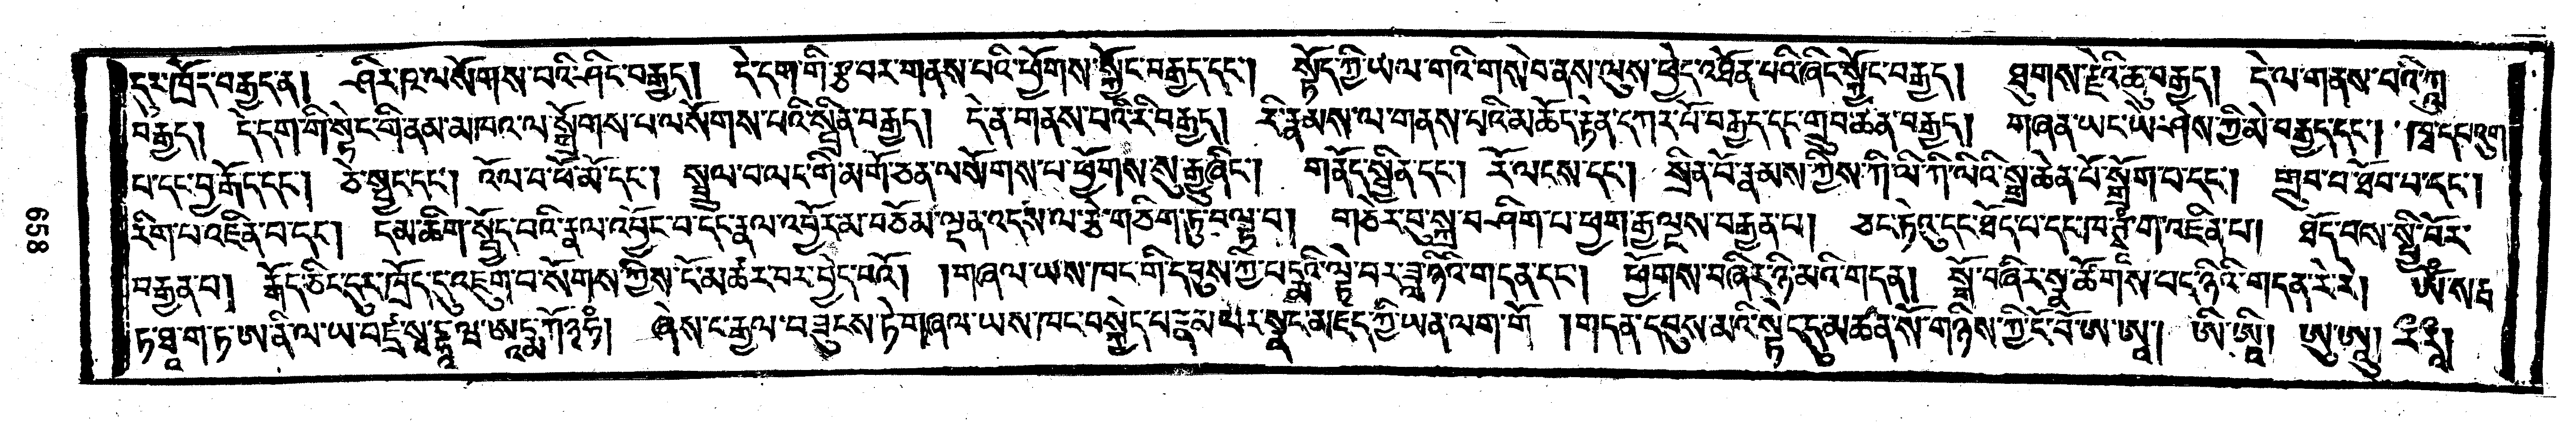དུར་ཁྲོད་བརྒྱད་ན། ཤིར་ཥ་ལ་སོགས་བའི་ཤིང་བརྒྱད། དེ་དག་གི་རྩ་བར་གནས་པའི་ཕྱོགས་སྐྱོང་བརྒྱད་དང་། སྟོད་ཀྱི་ཡལ་གའི་གསེབ་ནས་ལུས་ཕྱེད་འཐོན་པའི་ཞིང་སྐྱོང་བརྒྱད། ཐུགས་རྗེའི་ཆུ་བརྒྱད། དེ་ལ་གནས་པའི་ཀླུ་
བརྒྱད། དེ་དག་གི་སྟེང་གི་ནམ་མཁའ་ལ་སྒྲོགས་པ་ལ་སོགས་པའི་སྦྲིན་བརྒྱད། དེ་ནས་གནས་པའི་རི་བརྒྱད། རི་རྣམས་ལ་གནས་པའི་མཆོད་རྟེན་དཀར་པོ་བརྒྱད་དང་གྲུབ་ཚན་བརྒྱད། གཞན་ཡང་ཡེ་ཤེས་ཀྱི་མེ་བརྒྱད་དང་། ཁྭ་དཔའུག་
པ་དང་བྱ་རྒོད་དང་། ཅེ་སྦྱང་དང་། འོལ་བ་ཕོ་མོ་དང་། སྤྲུལ་བ་ལང་གི་མགོ་ཅན་ལ་སོགས་པ་ཕྱོགས་སུ་རྒྱུ་ཞིང་། གནོད་སྦྱིན་དང་། རོ་ལངས་དང་། སྲིན་བོ་རྣམས་ཀྱིས་ཀི་ལི་ཀི་ལིའི་སྒྲ་ཆེན་པོ་སྒྲོག་པ་དང་། གྲུབ་བ་ཐོབ་པ་དང་།
རིག་པ་འཇིན་པ་དང་། དམ་ཆིག་སྦྱོད་བའི་རྣལ་འབྱོང་བ་དང་རྣལ་འབྱོར་མ་བཅོམ་ལྡན་འདས་ལ་རྩེ་གཅིག་ཏུ་བལྟ་བ། གཅེར་བུ་སྐྲ་བཤིག་པ་ཕྱག་རྒྱ་ལྔས་བརྒྱན་པ། ཅང་ཏེའུ་དང་ཐོད་པ་དང་ཁ་ཊྭཱཾ་ག་འཛིན་པ། ཐོད་བས་སྤྱི་བོར་
བརྒྱན་པ། རྒོད་ཅིང་དུར་ཁྲོད་དུ་འཇུག་བ་སོགས་ཀྱིས་ངོ་མཚར་བར་བྱེད་བའོ། །གཞལ་ཡས་ཁང་གི་དབུས་ཀྱི་པདམའི་ལྟེ་བར་ཟླ་ཉིའི་གདན་དང་། ཕྱོགས་བཞིར་ཉི་མའི་གདན། སྒོ་བཞིར་སྣ་ཚོགས་བད་ཉིའི་གདན་རེ་རེ། ཨོཾ་སརྦ་
ཏ་ཐཱ་ག་ཏ་ཨ་ནི་ལ་ཡ་བཛྲ་སྭ་དྷཱ་ཝ་ཨཱདམ་ཀོཉྷཾ། ཞེས་ང་རྒྱལ་བཟུངས་ཏེ་གཞལ་ཡས་ཁང་བསྐྱེད་པ་རྣམ་པར་སྣང་མཛད་ཀྱི་ཡན་ལག་གོ །གདན་དབུས་མའི་སྟེང་དུ་མཚན་སོ་གཉིས་ཀྱི་ངོ་བོ་ཨ་ཨཱ། ཨི་ཨཱི། ཨུ་ཨཱུ། རྀ་རཱྀ།